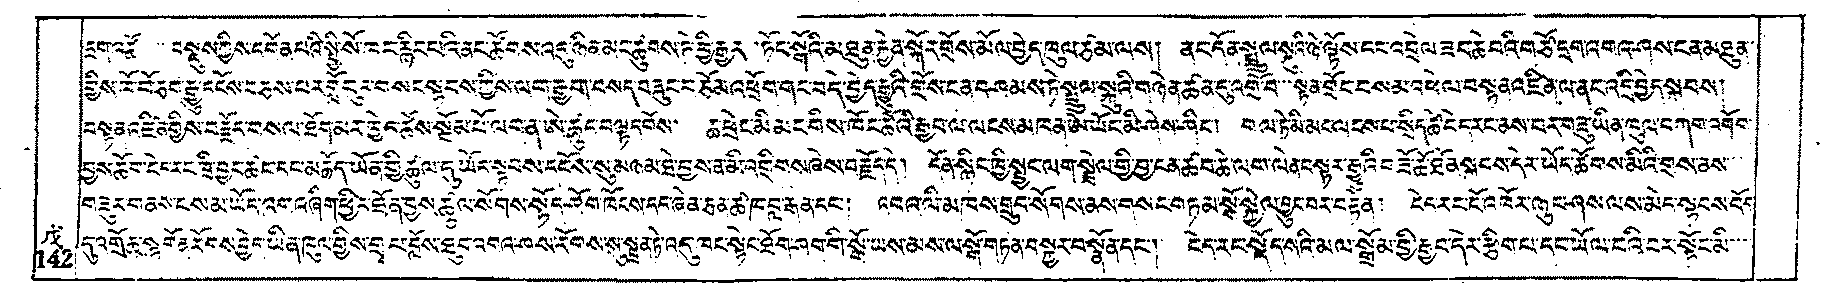དྲག་འཚོ་བསྡུས་ཀྱིས་དགོན་པའི་སྤྱི་སོ་ཁང་རྙིང་པའི་ནང་ཚོགས་འདུ་ཉིན་མང་ཚུགས་ཏེ་ཕྱི་རྒྱར་གཏོང་?་སྒོའི་མཐུན་རྐྱེན་སྐོར་གྲོས་མོལ་བྱེད་ཁུལ་ཙམ་ལས། ནང་དོན་སྤྲུལ་སྐུའི་ཉེ་ལྟོས་དང་འབྲེལ་ཟབ་ཆེ་བའི་གཙོ་དྲག་འགའ་ཤས་ངན་མཐུན་
གྱིས་ཁོ་བོ་ཅག་རྒྱུ་དངོས་བཅས་པར་གློ་བུར་གསང་སྟབས་ཀྱིས་ལག་རྒྱག་བསད་བཟུང་བཅོམ་འཕྲོག་གང་བདེ་བྱེད་རྒྱུའི་གྲོས་ངན་བཤམས་ཏེ་སྤྲུལ་སྐུའི་གཉེན་ཚན་དུ་འགྲོ་བ་སྟན་གྲོང་བསམ་འཕེལ་བསྟན་འཛིན་ལ་ནང་འདྲི་བྱེད་སྐབས།
བསྟན་འཛིན་གྱིས་བརྗོད་གསལ་ཐོག་མར་ཁྱེད་ཚོས་སྦོམ་པོ་ལག་ན་ཨེ་ཚུད་བལྟ་དགོས། ཆ་ཕྲེང་མི་མང་གིས་ཁོང་ཚོའི་རྒྱབ་ལ་ལངས་མཁན་ཨེ་ཡོང་མི་ཤེས་ཤིང་། གལ་ཏེ་མི་མང་ལངས་པ་སྲིད་ཚེ་ངེད་རང་ནས་བར་གཟུ་ཡིན་ཁུལ་བཀག་འགོག་
བྱས་ཆོག་ངེད་རང་ཁྲི་བྱང་ཚང་དང་མཆོད་ཡོན་གྱི་ཚུལ་དུ་ཡོད་སྟབས་དངོས་སུ་མཉམ་ཐེ་བྱས་ན་མི་འགྲིགས་ཞེས་བརྗོད་དེ། དོན་སྙིང་ཁྱི་སྤྱང་ལག་སྦྲེལ་གྱི་བྱ་ངན་ཚབ་ཆེ་ལག་ལེན་བསྟར་རྒྱུའི་བཟོ་ཆོ་ཐོན་སྐབས་དེར་ཡོད་ཚོགས་མིའི་གྲས་ནས་
གཟུར་གནས་བསམ་ཡོད་འགའ་ཞིག་ཕྱིར་ཐོན་བྱས་ཚུལ་སོགས་སྟོད་ཤོག་ཁོངས་དད་ཞེན་ཅན་ཚ་ཁ་བླ་རྒན་དང་། འབའ་ལི་མཁས་གྲུབ་སོགས་ནས་གསང་གཏམ་སྒོ་སྐྱེལ་བྱུང་བར་བརྟེན། ངེད་རང་ངོ་འཁོར་ཉུང་ཤས་ལས་མེད་སྟབས་བོད་
དུ་འགྲོ་ཆ་སྟ་གོན་རོགས་བྱེད་ཡིན་ཁུལ་གྱིས་གྲྭ་པ་བློས་ཐུབ་འགའ་ཤས་རོགས་སུ་སྦྲན་ཏེ་འདུ་ཁང་སྟེང་ཐོག་ཤག་གི་སྒོ་ཡས་མས་ལ་སྒོ་གཏན་བསྐྱར་བ་སྣོན་དང་། ངེད་རང་སྡོད་སའི་མལ་སྒྲོམ་གྱི་རྒྱབ་དེར་རྩིག་པ་དང་ཡོལ་བའི་བར་སྟོང་མི་